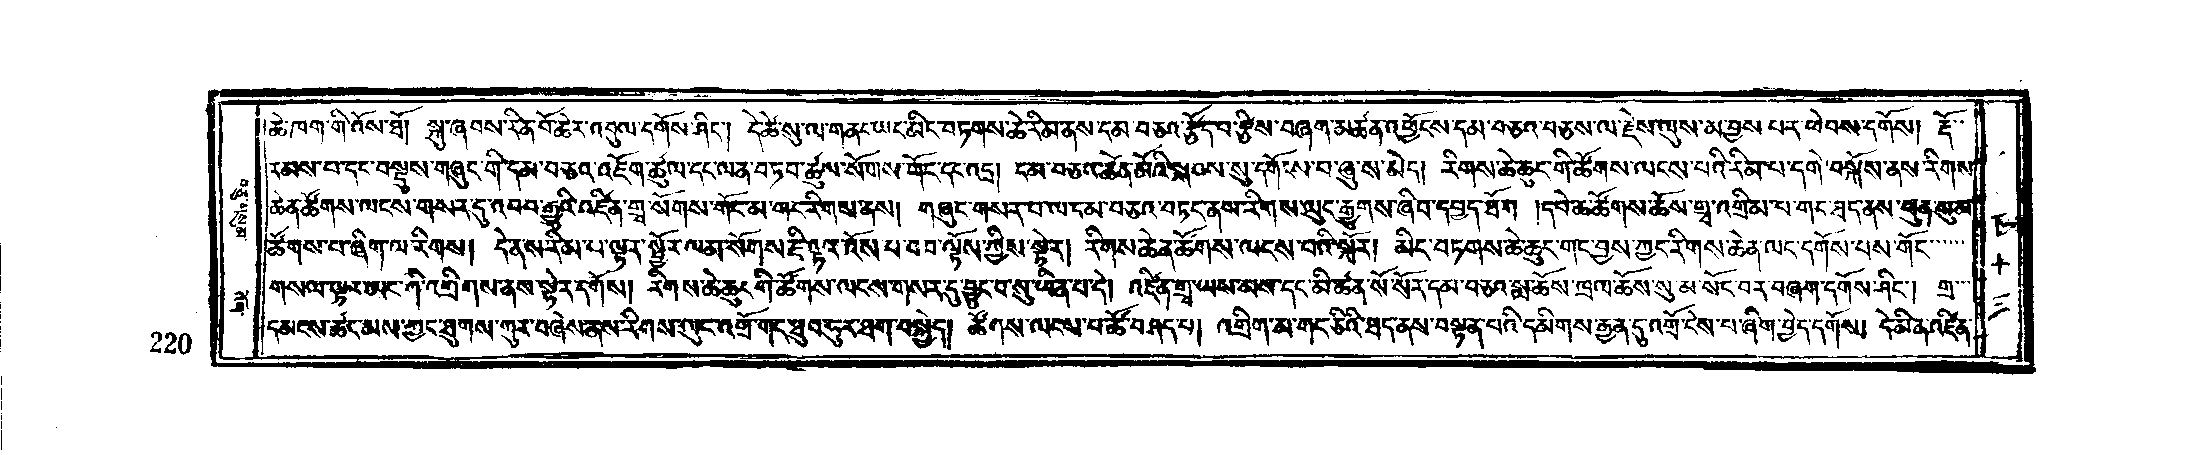ཆེ་ཁག་གི་འོས་ཐོ། སྐུ་ཞབས་རིན་པོ་ཆེར་འབུལ་དགོས་ཤིང་། དེ་ཚེ་སུ་ལ་གནང་ཡང་མིང་བཏགས་ཆེ་རིམ་ནས་དམ་བཅའ་རྩོད་པ་རྩིས་བཞག་མཚན་འཕྱོངས་དམ་བཅའ་བཅས་ལ་རྗེས་ལུས་མ་བྱས་པར་ཕེབས་དགོས། རྡོ་
རམས་པ་དང་བསྡུས་གཞུང་གི་དམ་བཅའ་འཇོག་ཚུལ་དང་ལན་བཏབ་ཚུལ་སོགས་གོང་དང་འདྲ། དམ་བཅའ་ཚེན་མོའི་སྐབས་སུ་དགོངས་པ་ཞུ་ས་མེད། རིགས་ཆེ་ཆུང་གི་ཚོགས་ལངས་པའི་རིམ་པ་དགེ་བསྐོས་ནས་རིགས་
ཆེན་ཚོགས་ལངས་གསར་དུ་འབབ་རྒྱུའི་འཛིན་གྲྭ་སོགས་གོང་མ་གང་རིགས་ནས། གཞུང་གསར་པ་ལ་དམ་བཅའ་བཏང་ནས་རིགས་ལུང་རྒྱུགས་ཞིབ་དཔྱད་ཐོག །དཔེ་ཆ་ཚོགས་ཆོས་གྲྭ་འགྲིམ་པ་གང་ཐད་ནས་ཕུན་སུམ་
ཚོགས་པ་ཞིག་ལ་རིགས། དེ་ནས་རིམ་པ་ལྟར་སྦྱོར་ལམ་སོགས་ཇི་ལྟར་འོས་པ་བབ་ལྟོས་ཀྱིས་སྟེར། རིགས་ཆེན་ཚོགས་ལངས་པའི་སྐོར། མིང་བཏགས་ཆེ་ཆུང་གང་བྱས་ཀྱང་རིགས་ཆེན་ལང་དགོས་པས་གོང་
གསལ་ལྟར་ཨང་ཀི་འགྲིགས་ནས་སྟེར་དགོས། རིགས་ཆེ་ཆུང་གི་ཚོགས་ལངས་གསར་དུ་བྱུང་བ་སུ་ཡིན་པ་དེ། འཛིན་གྲྭ་ཡས་མས་དང་མི་ཚན་སོ་སོར་དམ་བཅའ་སླ་ཆོས་ཁྲལ་ཆོས་སུ་མ་སོང་བར་བཞག་དགོས་ཤིང་། གྲ་
དམངས་ཚང་མས་ཀྱང་ཐུགས་ཀུར་བཞེས་ནས་རིགས་ལུང་འགྲོ་གང་ཐུབ་ཧུར་ཐག་བསྐྱེད། ཚོགས་ལངས་པ་ཚོ་བཤད་པ། འགྲིག་མ་གང་ཅིའི་ཐད་ནས་བསྟན་པའི་དམིགས་རྒྱན་དུ་འགྲོ་ངེས་པ་ཞིག་བྱེད་དགོས། དེ་མིན་འཛིན་